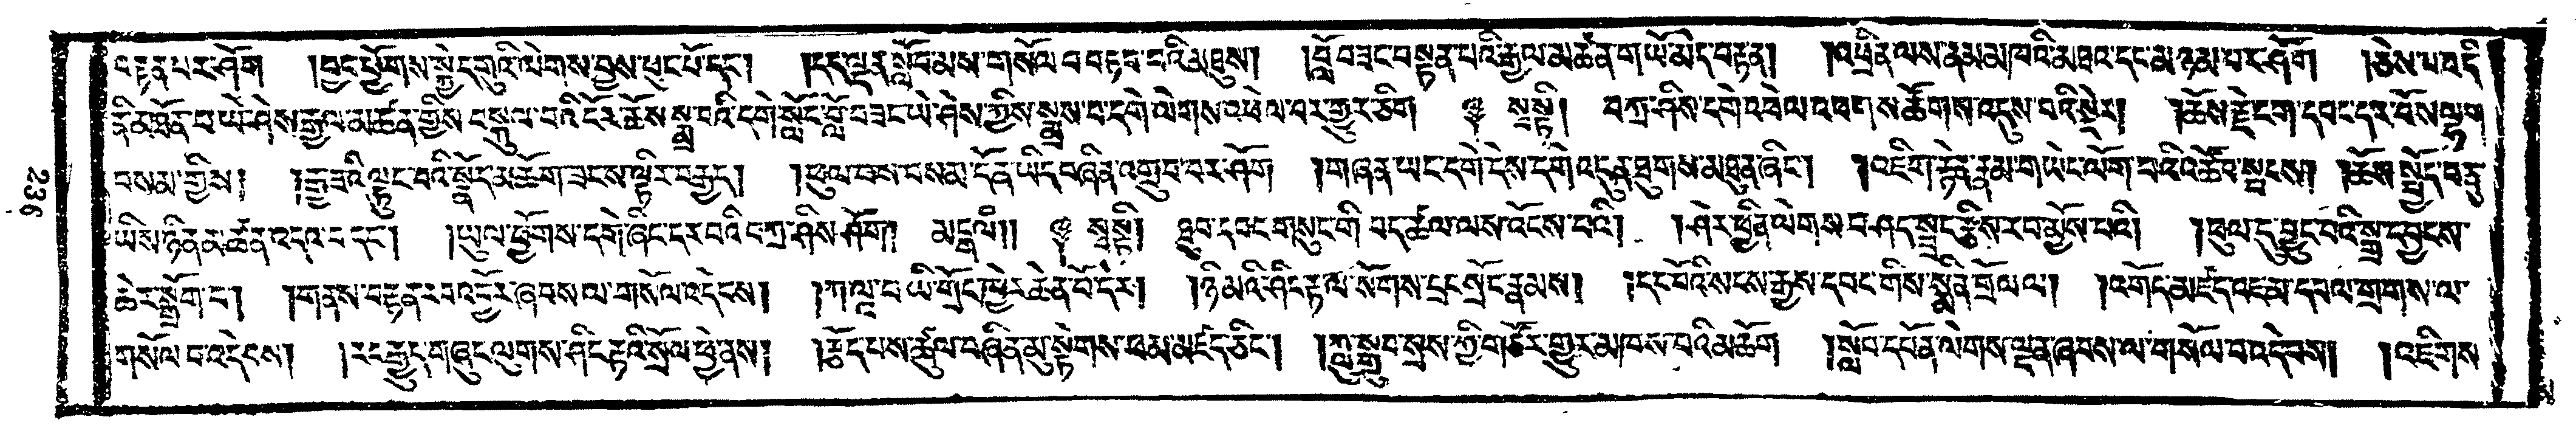བརྟན་པར་ཤོག །བྱང་ཕྱོགས་སྐྱེ་དགུའི་ལེགས་བྱས་ཕུང་པོ་དང་། །དད་ལྡན་སློབ་མས་གསོལ་བ་བཏབ་པའི་མཐུས། །བློ་བཟང་བསྟན་པའི་རྒྱལ་མཚན་གཡོ་མེད་བརྟན། །འཕྲིན་ལས་ནམ་མཁའི་མཐའ་དང་མཉམ་པར་ཤོག །ཅེས་པ་འདི་
ནི་མཐོན་པ་ཡེ་ཤེས་རྒྱལ་མཚན་གྱིས་བསྐུལ་བའི་ངོར་ཆོས་སྨྲ་བའི་དགེ་སློང་བློ་བཟང་ཡེ་ཤེས་ཀྱིས་སྨྲས་བ་དགེ་ལེགས་འཕེལ་བར་གྱུར་ཅིག ༈ སྭསྟི། བཀྲ་ཤིས་དགེ་འཕེལ་འཕགས་ཚོགས་འདུས་བའི་སྡེར། །ཆོས་རྗེ་ངག་དབང་དར་བོས་ལྷག་
བསམ་གྱིས། །རྒྱ་ཟའི་ལྟུང་བའི་སྣོད་མཆོག་ཟངས་ལྟར་བརྒྱད། །ཕུལ་བས་བསམ་དོན་ཡིད་བཞིན་འགྲུབ་བར་ཤོག །གཞན་ཡང་དགེ་དེས་དགེ་འདུན་ཐུགས་མཐུན་ཞིང་། །འཇིག་རྟེན་རྣམ་གཡེང་ལོག་བའི་འཚོ་བ་སྤངས། །ཆོས་སྤྱོད་བཅུ་
ཡིས་ཉིན་མཚན་འདའ་བ་དང་། །ཡུལ་ཕྱོགས་དགེ་ཞིང་དར་བའི་བཀྲ་ཤིས་ཤོག། མངྒལཾ།། ༈ སྭསྟི། ཐུབ་དབང་གསུང་གི་པད་ཚལ་ལས་འོངས་པའི། །ཤེར་ཕྱིན་ལེགས་བཤད་སྦྲང་རྩིས་རབ་མྱོས་པའི། །ཕུལ་དུ་བྱུང་བའི་སྒྲ་དབྱངས་
ཆེར་སྒྲོག་པ། །གནས་བརྟན་རབ་འབྱོར་ཞབས་ལ་གསོལ་འདེབས། །ཀ་ལཱ་བ་ཡི་གྲོང་ཁྱེར་ཆེན་བོ་དེར། །ཉི་མའི་ཤིང་རྟ་ལ་སོགས་དྲང་སྲོང་རྣམས། །དང་བོའི་སངས་རྒྱས་དབང་གིས་སྨིན་གྲོལ་ལ། །འགོད་མཛད་འཇམ་དབལ་གྲགས་ལ་
གསོལ་བ་འདེབས། །རང་རྒྱུད་གཞུང་ལུགས་ཤིང་རྟའི་སྲོལ་ཕྱེ་ནས། །རྩོད་པས་ཚུལ་བཞིན་མུ་སྟེགས་ཕམ་མཛད་ཅིང་། །ཀླུ་སྒྲུབ་སྲས་ཀྱི་གཙོར་གྱུར་མཁས་བའི་མཆོག །སློབ་དཔོན་ལེགས་ལྡན་ཞབས་ལ་གསོལ་བ་འདེབས། །འཇིགས་